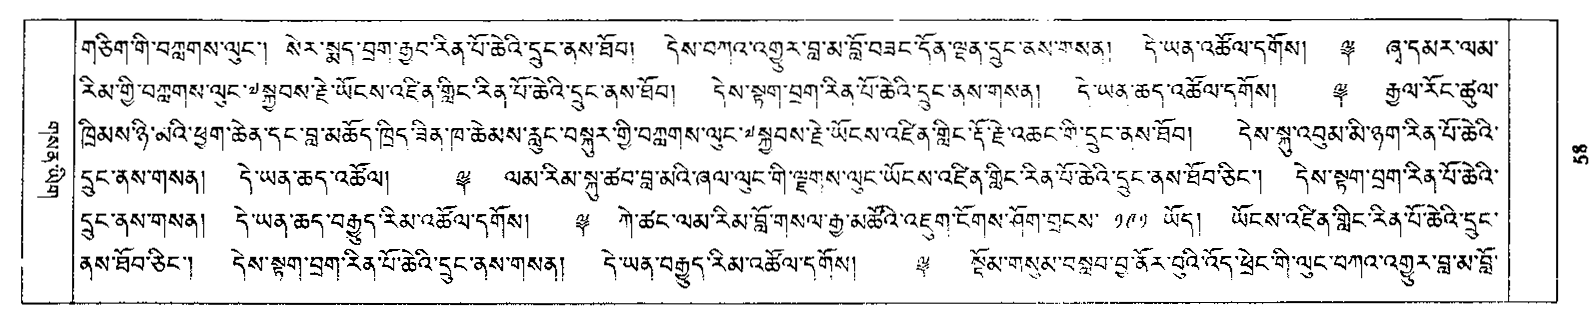གཅིག་གི་བཀླགས་ལུང་། སེར་སྨད་བྲག་རྒྱབ་རིན་པོ་ཆེའི་དྲུང་ནས་ཐོབ། དེས་བཀའ་འགྱུར་བླ་མ་བློ་བཟང་དོན་ལྡན་དྲུང་ནས་གསན། དེ་ཡན་འཚོལ་དགོས། ༈ ཞྭ་དམར་ལམ་
རིམ་གྱི་བཀླགས་ལུང་༧སྐྱབས་རྗེ་ཡོངས་འཛིན་གླིང་རིན་པོ་ཆེའི་དྲུང་ནས་ཐོབ། དེས་སྟག་བྲག་རིན་པོ་ཆེའི་དྲུང་ནས་གསན། དེ་ཡན་ཆད་འཚོལ་དགོས། ༈ རྒྱལ་རོང་ཚུལ་
ཁྲིམས་ཉི་མའི་ཕྱག་ཆེན་དང་བླ་མཆོད་ཁྲིད་ཟིན་ཁ་ཆེམས་རླུང་བསྐུར་གྱི་བཀླགས་ལུང་༧སྐྱབས་རྗེ་ཡོངས་འཛིན་གླིང་རྡོ་རྗེ་འཆང་གི་དྲུང་ནས་ཐོབ། དེས་སྐུ་འབུམ་མི་ཉག་རིན་པོ་ཆེའི་
དྲུང་ནས་གསན། དེ་ཡན་ཆད་འཚོལ། ༈ ལམ་རིམ་སྐུ་ཚབ་བླ་མའི་ཞལ་ལུང་གི་ལྗགས་ལུང་ཡོངས་འཛིན་གླིང་རིན་པོ་ཆེའི་དྲུང་ནས་ཐོབ་ཅིང་། དེས་སྟག་བྲག་རིན་པོ་ཆེའི་
དྲུང་ནས་གསན། དེ་ཡན་ཆད་བརྒྱུད་རིམ་འཚོལ་དགོས། ༈ ཀེ་ཚང་ལམ་རིམ་བློ་གསལ་རྒྱ་མཚོའི་འཇུག་ངོགས་ཤོག་གྲངས ༡༩༡་ཡོད། ཡོངས་འཛིན་གླིང་རིན་པོ་ཆེའི་དྲུང་
ནས་ཐོབ་ཅིང་། དེས་སྟག་བྲག་རིན་པོ་ཆེའི་དྲུང་ནས་གསན། དེ་ཡན་བརྒྱུད་རིམ་འཚོལ་དགོས། ༈ སྡོམ་གསུམ་བསླབ་བྱ་ནོར་བུའི་འོད་ཕྲེང་གི་ལུང་བཀའ་འགྱུར་བླ་མ་བློ་